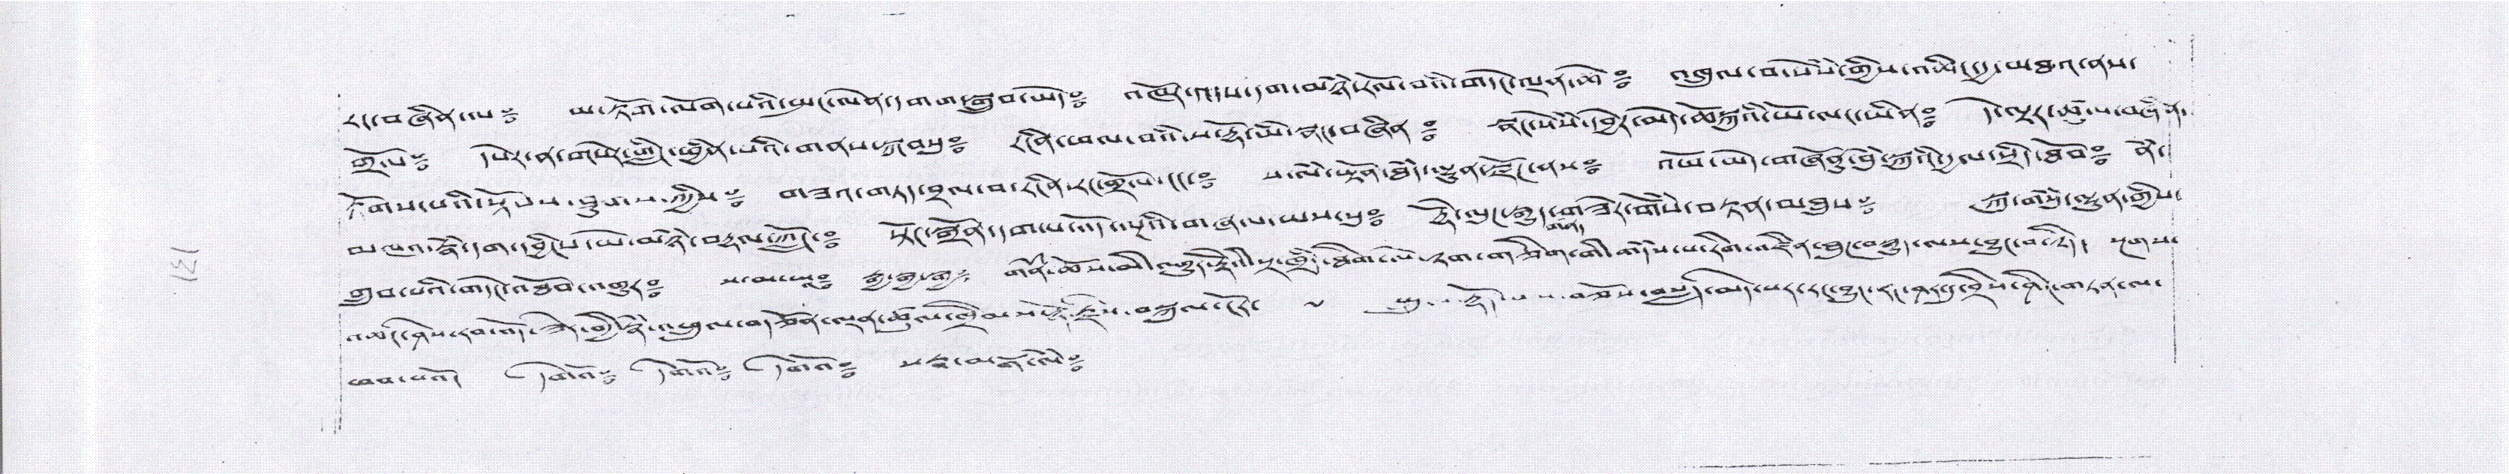རང་བཞིན་ལཿ མ་རྟོགས་ལོག་པའི་སྤང་ལེན་དགག་སྒྲུབ་མེདཿ འཁོར་འདས་དག་མཉམ་རོལ་པའི་གདེང་ལྡན་ཆེཿ འཁྲུལ་པ་སེམས་ཀྱི་འཆིང་རྒྱ་མཐའ་ནས་
གྲོལཿ དཔེར་ན་གསེར་གླིང་ཕྱིན་པའི་གནས་སྐབས་སུཿ རང་བཞིན་ཕལ་པའི་ས་རྡོ་མི་སྣང་བཞིནཿ སྣང་སེམས་དབྱེར་མེད་ཆོས་སྐུའི་ཡོ་ལང་ཡིནཿ དེ་ལྟར་ཚུལ་བཞིན་
རྟོགས་པའི་སྟོབས་ཤུགས་ཀྱིསཿ གཟའ་གཏད་བྲལ་བ་རང་བཞིན་རང་གྲོལ་ངངཿ ས་ལམ་ཡོན་ཏན་ཐམས་ཅད་ལྷུན་རྫོགས་ནསཿ འཕོ་མེད་གཞོན་ནུ་བུམ་སྐུའི་རྒྱལ་སྲིད་ཐོབཿ ནམ་
མཁའ་རྣམ་དག་དབྱིངས་ཡེ་མཉམ་བརྡལ་ཀློངཿ སྟོང་སྒྲོན་དག་པ་འོད་ལྔའི་གཞལ་ཡས་སུཿ རྡོ་རྗེ་ལུག་རྒྱུད་གནད་གཟེར་གོམས་བརྟན་མཐུསཿ སྐུ་གསུམ་ལྷུན་གྱིས་
གྲུབ་པའི་གདེངས་ཐོབ་འགྱུརཿ ས་མ་ཡཱཿ རྒྱ་རྒྱ་རྒྱཿ གནམ་ཆོས་མི་འགྱུར་རྡོ་རྗེའི་པྲ་ཁྲིད་ཐིག་ལེ་ཉག་གཅིག་གི་གདམས་པ་རིག་འཛིན་ཐུགས་རྒྱུད་ལས་བྱུང་བ་ཉིད། སྔགས་
འཆང་ཤེས་རབ་འོད་ཟེར་གྱི་རྣམ་འཕྲུལ་བརྩོན་ལྡན་ཚུལ་ཁྲིམས་རྡོ་རྗེས་བསྐུལ་ངོར་སྤྲུལ་རྡོར་པས་བཅོས་སླད་མེད་པར་རང་བྱུང་རང་ཤར་དུ་བྲིས་ཤིང་གཏན་ལ་
ཕབ་པའོ། དགེའོ། དགེའོ། དགེའོ། སརྦ་མངྒ་ལཾ། །